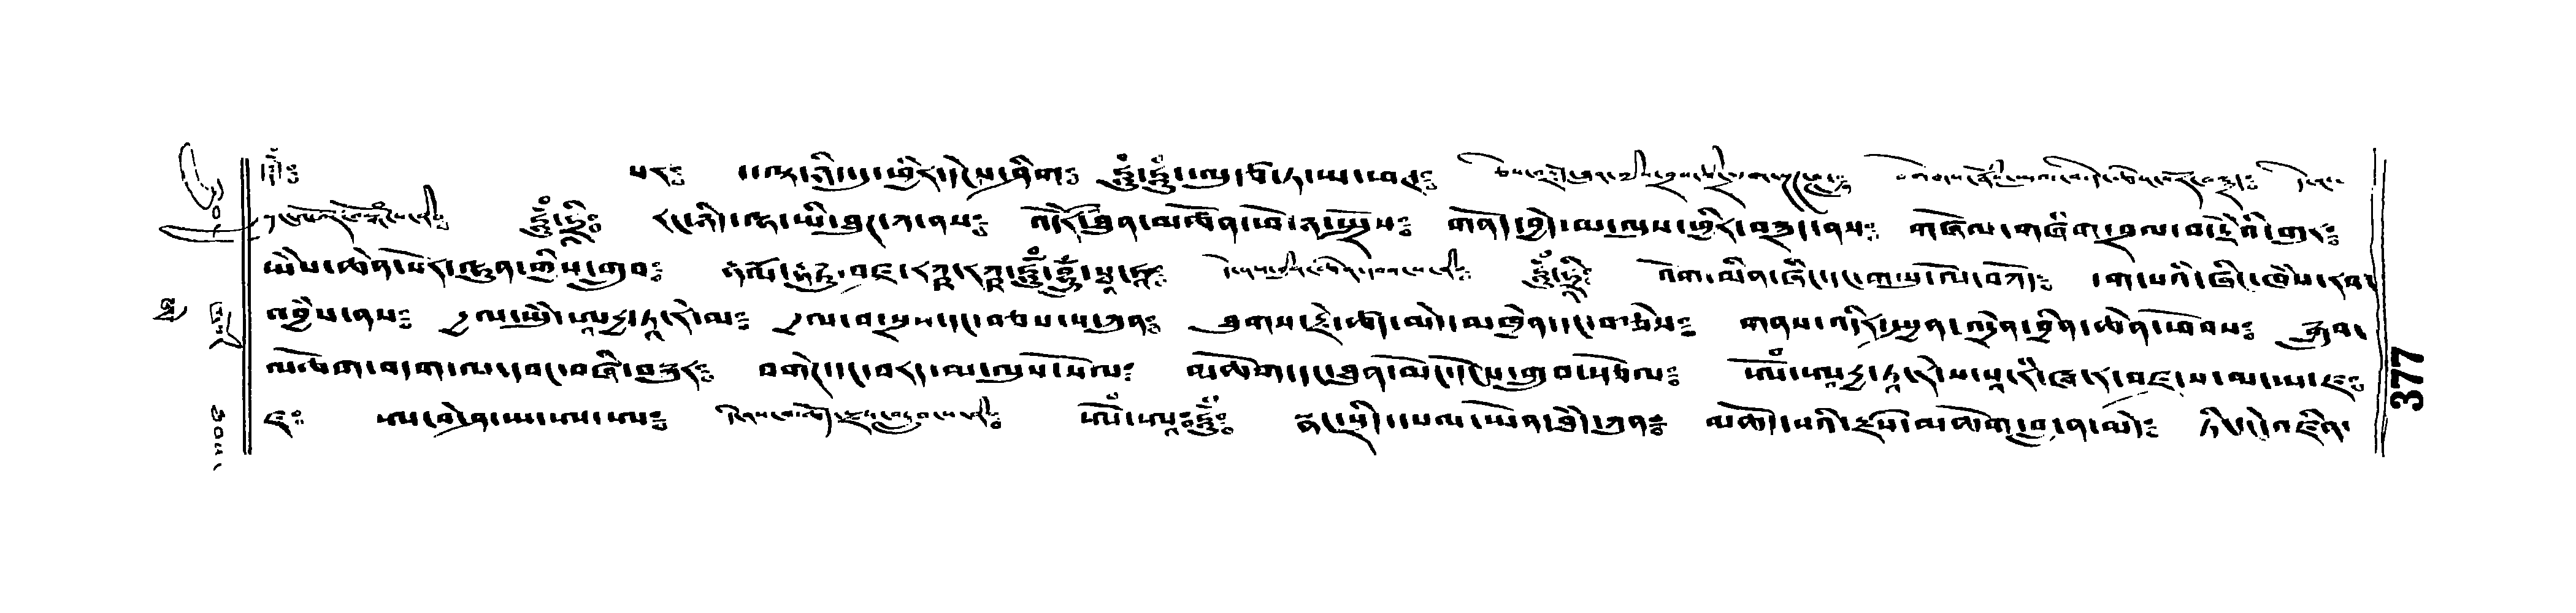པར༔ ད་ལྟ་ཉིད་དུ་ཕྱིར་དེངས་ཤིག༔ ཧཱུྃ་ཧྃའུ་ཨུ་ཙ་ཏ་ཡ་ཕཊ༔ ཅེས་བརྗོད་ཐུན་གྱིས་བྲབ་ཅིང་དྲག་སྔགས་བཟླ༔ བགེགས་རྣམས་ཡུལ་མེད་ཆེན་པོར་བསྐྲད༔ དེ་ནས་
སྲུང་འཁོར་སྒོམ་པ་ནི༔ ཧཱུྃ་ཧྲཱིཿ རང་ཉིད་ལྷ་ཡི་ཐུགས་ཀ་ནས༔ འོད་ཟེར་ཐུན་མཚོན་ཕོ་ཉ་སྤྲོས༔ གནོད་བྱེད་མ་ལུས་ཕྱིར་བསྐྲད་ནས༔ གཞོམ་གཞིག་བྲལ་བ་རྡོ་རྗེའི་གུར༔ 
ཡེ་ཤེས་ཆེན་པོར་ལྷུན་གྱིས་གྲུབ༔ དྷརྨ་དྷརྟུ་བཛྲ་རཀྵ་རཀྵ་ཧཱུྃ་བྷྲཱུྃ་སྭཱ་ཧཱ༔ དེ་ནས་བྱིན་ཆེན་དབབ་པ་ནི༔ ཧཱུྃ་ཧྲཱིཿ འོག་མིན་ཞིང་དང་གཡུ་ལོ་བཀོད༔ དག་པའི་ཞིང་ཁམས་རབ་
འབྱམས་ནས༔ རྒྱལ་ཡུམ་ཨཱརྻ་ཏཱ་རེ་མ༔ རྒྱལ་བ་སྲས་དང་བཅས་པ་ཀུནཿ ཐུགས་རྗེ་ཚད་མེད་མཁྱེན་དང་བརྩེས༔ གནས་འདིར་སྤྱན་འདྲེན་བྱིན་ཆེན་ཕོབས༔ སྒྲུབ་
མཆོག་བདག་ལ་དབང་བཞི་བསྐུར༔ བགེགས་དང་བར་ཆད་མ་ལུས་སོལ༔ མཆོག་དང་ཐུན་མོང་དངོས་གྲུབ་སྩོལ༔ ཨོཾ་ཨཱརྻ་ཏཱ་རེ་ས་པཱ་རི་ཝ་ར་བཛྲ་ས་མ་ཡ་ཛཿ
ཛཿ ཨ་བེ་ཤ་ཡ་ཨ་ཨཱཿ དེ་ནས་མཆོད་རྫས་བརླབ་པ་ནི༔ ཨོཾ་ཨཱཿཧཱུྃ༔ སྣང་སྲིད་དཔལ་ཡོན་ཐམས་ཅད་ཀུན༔ མཆོད་པའི་རྫས་མཆོག་བླ་ན་མེད༔ ཏིང་འཛིན་